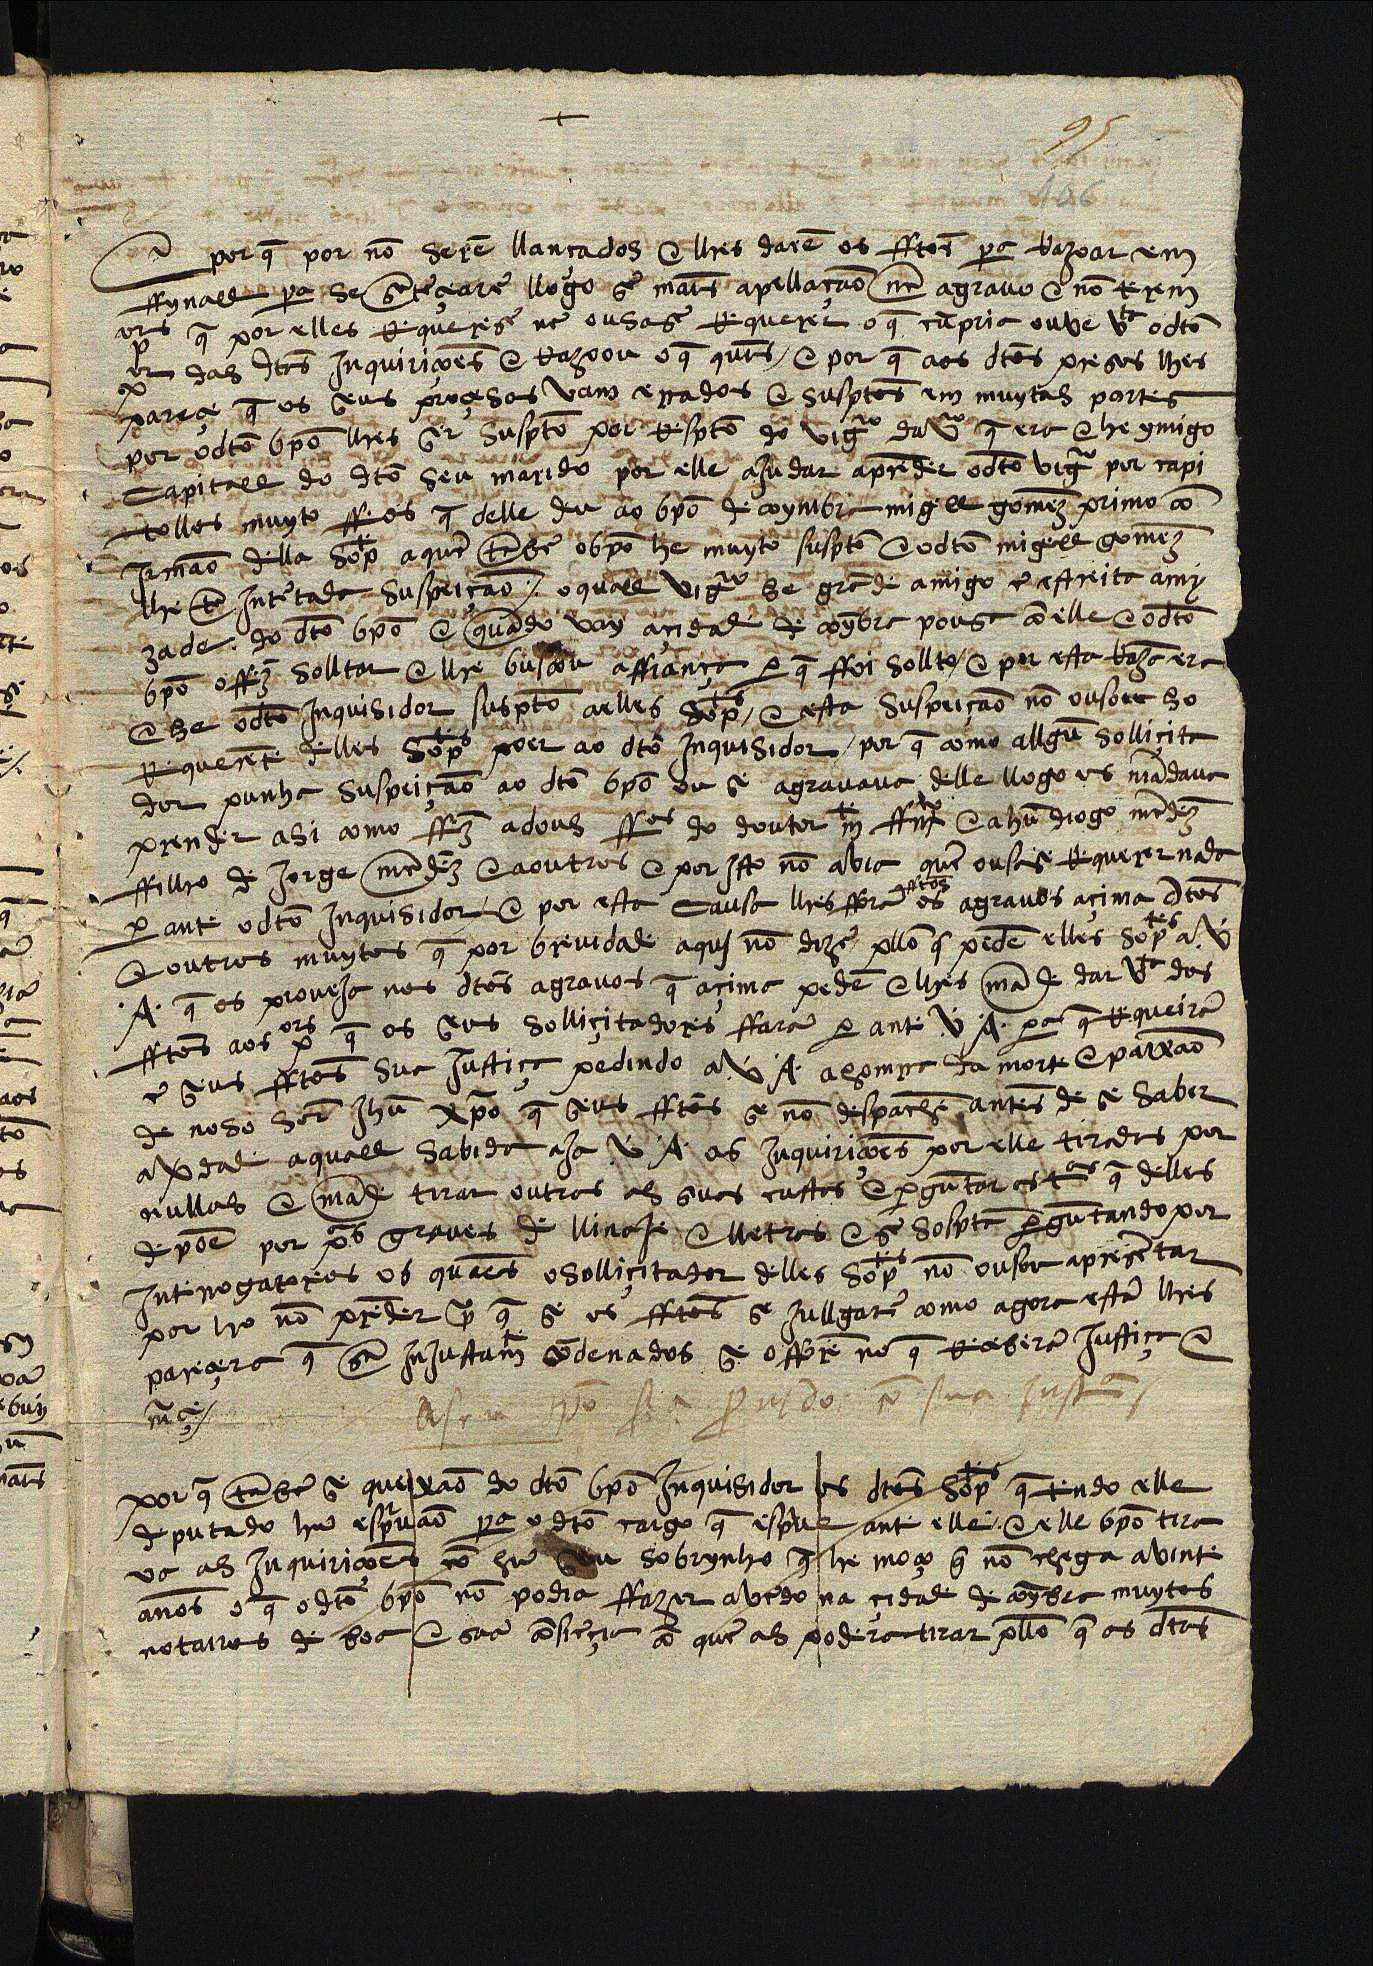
e porq̄ por nō serē llançados e lhes darē os fftos ꝑa Razoar em
ffynall ꝑa se sētēcearē llogo sē mais apellação nē agrauo e nō terem
pors q̄ por elles Requeresē nē ousasē Requerer o q̄ cūpria ouve vta o dtō
por das dtās Jnquirições e Razoou o q̄ quis / e porq̄ aos dtōs presos lhes
parece q̄ os seus procesos vam errados e susptōs em muytas partes
por o dtō bpō lhes ser suspt̄o por Resptō do vigro daVro q̄ era e he ymigo
Capitall do dtō seu marido por elle aJudar a pr̄eder o d̄to vigro por capi
tollos muyto ffeos q̄ delle deu ao bpō de coymbra migell gomez primo c̄o
Jrmão della sopte a quē tābē o bp̄o he muyto susptō e o dtō migell gomez
lhe tē Jntētada suspeição ./. o quall vigro he grāde amigo ē estreita amy
zade do dt̄o bpō e quādo vay a cidade de coȳbra pousa c̄o elle e o dtō
bpō o ffez solltar e lhe buscou a ffiança ꝑ q̄ ffoi sollto / e por esta Raz̄a era
e he o d̄to Jnquisidor susptō a elles soptes / e esta suspeição nō ousou ho
Requerēte delles soptes poer ao dtō Jnquisidor / porq̄ como allgū sollicita
dor punha suspeição ao dtō bpō ou se agrauaua delle logo os mādaua
prender asi como ffez a dous ffos do doutor mte ffrrco e a hū diogo mēdez
filho de Jorge m̄edez e a outros e por Jsto nō avia quē ousase Requerer nada
ꝑante o dt̄o Jnquisidor / e por esta Causa lhes fforā fftos os agrauos acima dt̄os
e outros muytos q̄ por breuidade aquJ n̄o dizē p̄llo q̄ pedē elles soptes a V.
A. q̄ os proueJa nos dtōs agrauos q̄ acima pedē e lhes māde dar vta dos
fftos aos pors q̄ os seus sollicitadores ffarā ꝑante V. A. ꝑa q̄ Requeirā
ē seus fftōs sua Justiça pedindo a V. A. a homrra da morte e paixaõ
de noso Sor̄ Jhū Xp̄o q̄ seus fftōs se n̄o despachē antes de se saber
a ꝟdade a quall sabida aJa V. A. as Jnquirições por elle tirados por
nullas e māde tirar outras as suas custas e ꝑgūtar as tas q̄ delles
depõe por pas graues de llinaJe e lletras e sē sosptā ꝑḡutando por
Jnterrogatoreos os quaes o sollicitador delles soptes n̄o ousou apresētar
por ho n̄o prēder p̄oq̄ se os fftōs se Jullgarē como agora estā lhes
parecera q̄ sā Jnjustamte cōdenados se o ffor̄e no q̄ Receberā Justiça e
m̄ce /
a seu tp̄o ꞩa ꝓujdo cō sua Justa /
porq̄ tābē se queixão do dtō bpō Jnquisidor os dtōs soptes q̄ tendo elle
deputado hū espiuão ꝑa o dtō cargo q̄ espiue ante elle ., e elle bp̄o tira
va as Jnquirições c̄o hū seu sobrynho q̄ he moço q̄ nō chega a vinte
an̄os o q̄ o dt̄o bpō nō podia ffazer avēdo na cidade de cōybra muytos
notairos de boa e saā c̄osiēcia c̄o quē as podera tirar p̄llo q̄ os d̄tos
